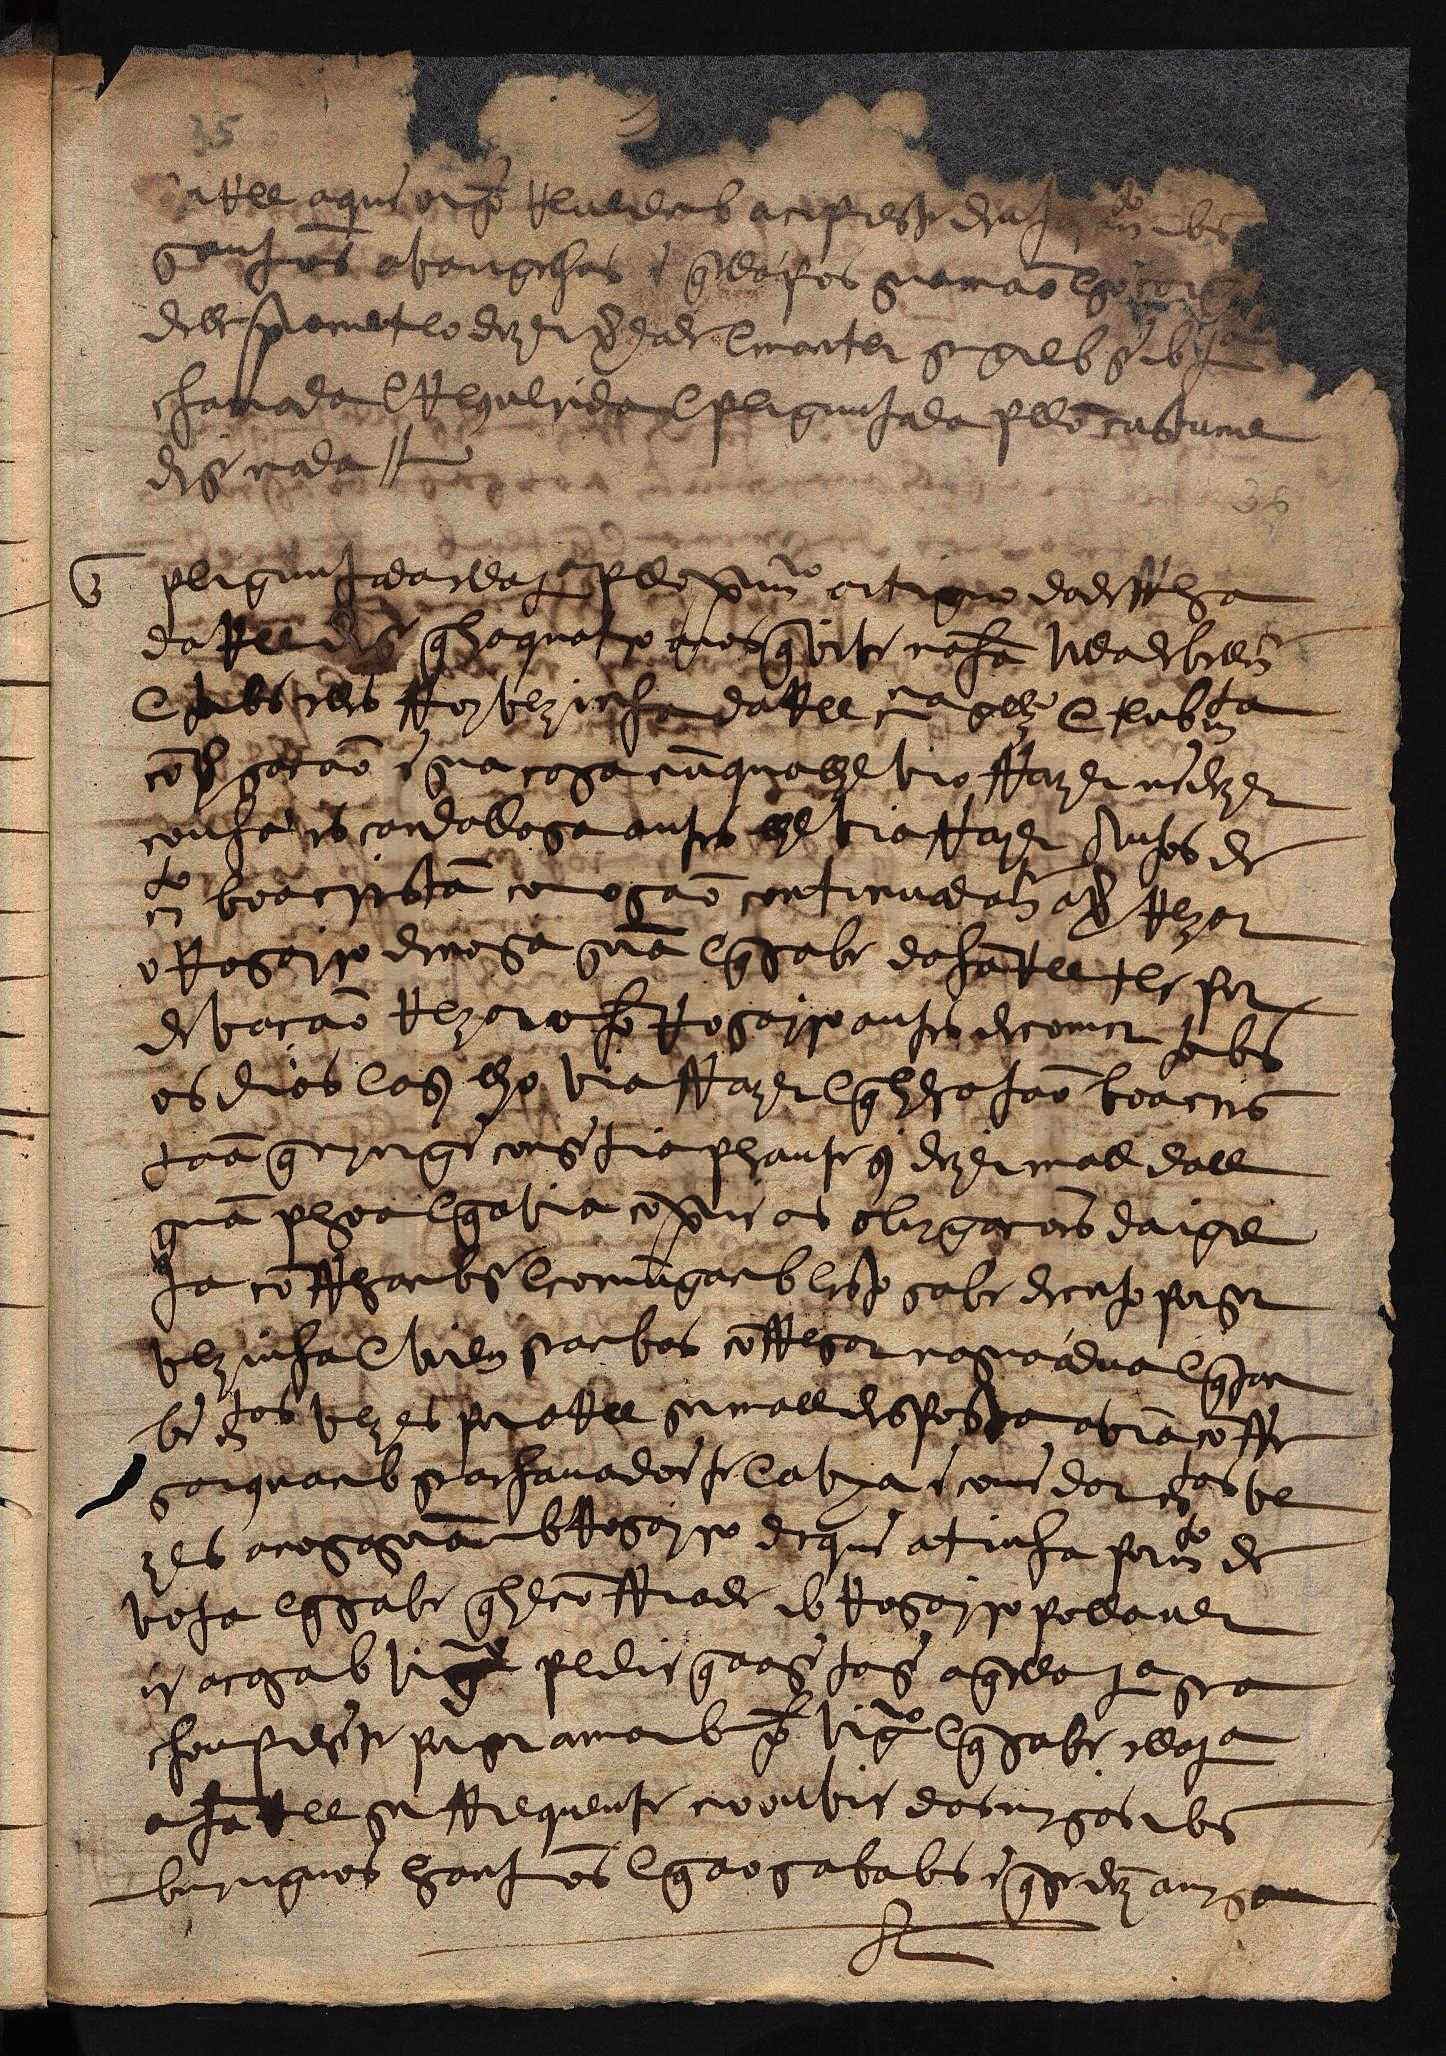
da Ree a quē o ħo Reuerendo açipreste deu Juramto dos
santos̄ avangelhos ē q̄ ela pos sua maõ e so cargo
delle prometeo dizer ꝟdade e manter segredo sēdo ta
chamada e Requerida e perguntada pelo custume
dise nada //
item perguntada ella ta pello primro artiguo da deffesa
da Ree dise q̄ ha quatro anos q̄ vive na sa vila de bellmte
e todos elles ffoj vezinha da Ree cra gllz̄ e tendo mta
cōꝟsação ē sua casa nūqua lhe vio ffazer nē dizer
cousa escandallosa antes lhe via ffazer Autos de
mto boa cristã como saõ continuadamte a ꝟ Rezar
o Rosajro de nosa snā e q̄ sabe da ħa Ree ter por
devocaõ Rezar o ħo Rosajro antes de comer todos
os dias e asj lho via ffazer e q̄ hera taõ boa cris
taã q̄ njngē consētia perante sj dizer mall dall
guā pesoa e q̄ a via c̄oprir os obrjgacoẽs da igre
Ja cōffesandose e comūgando e isto sabe de caso por ser
vezinha e virem se ambas cōffesar na sua adua e q̄ tam
bē mtas vezes por a Ree ser mall desposta a via cōffe
sar quando se achaua doēte e a vya ēcomēdar mtas ve
zes a nosa snā do Rosajro de quē a tinha por mto de
vota e q̄ sabe q̄ he c̄offrade do Rosajro polla uer
ir a casa do vigro pedir q̄ a asētasē a q̄ ella ta se a
chou presēte por ser ama do ħo vigro e q̅ sabe ella ta
a ħa Ree ser ffrequente no ouvir das mjsas dos
domjnguos santōs e q̄ ao sabados ē q̄ se diz̄ a mjsa
